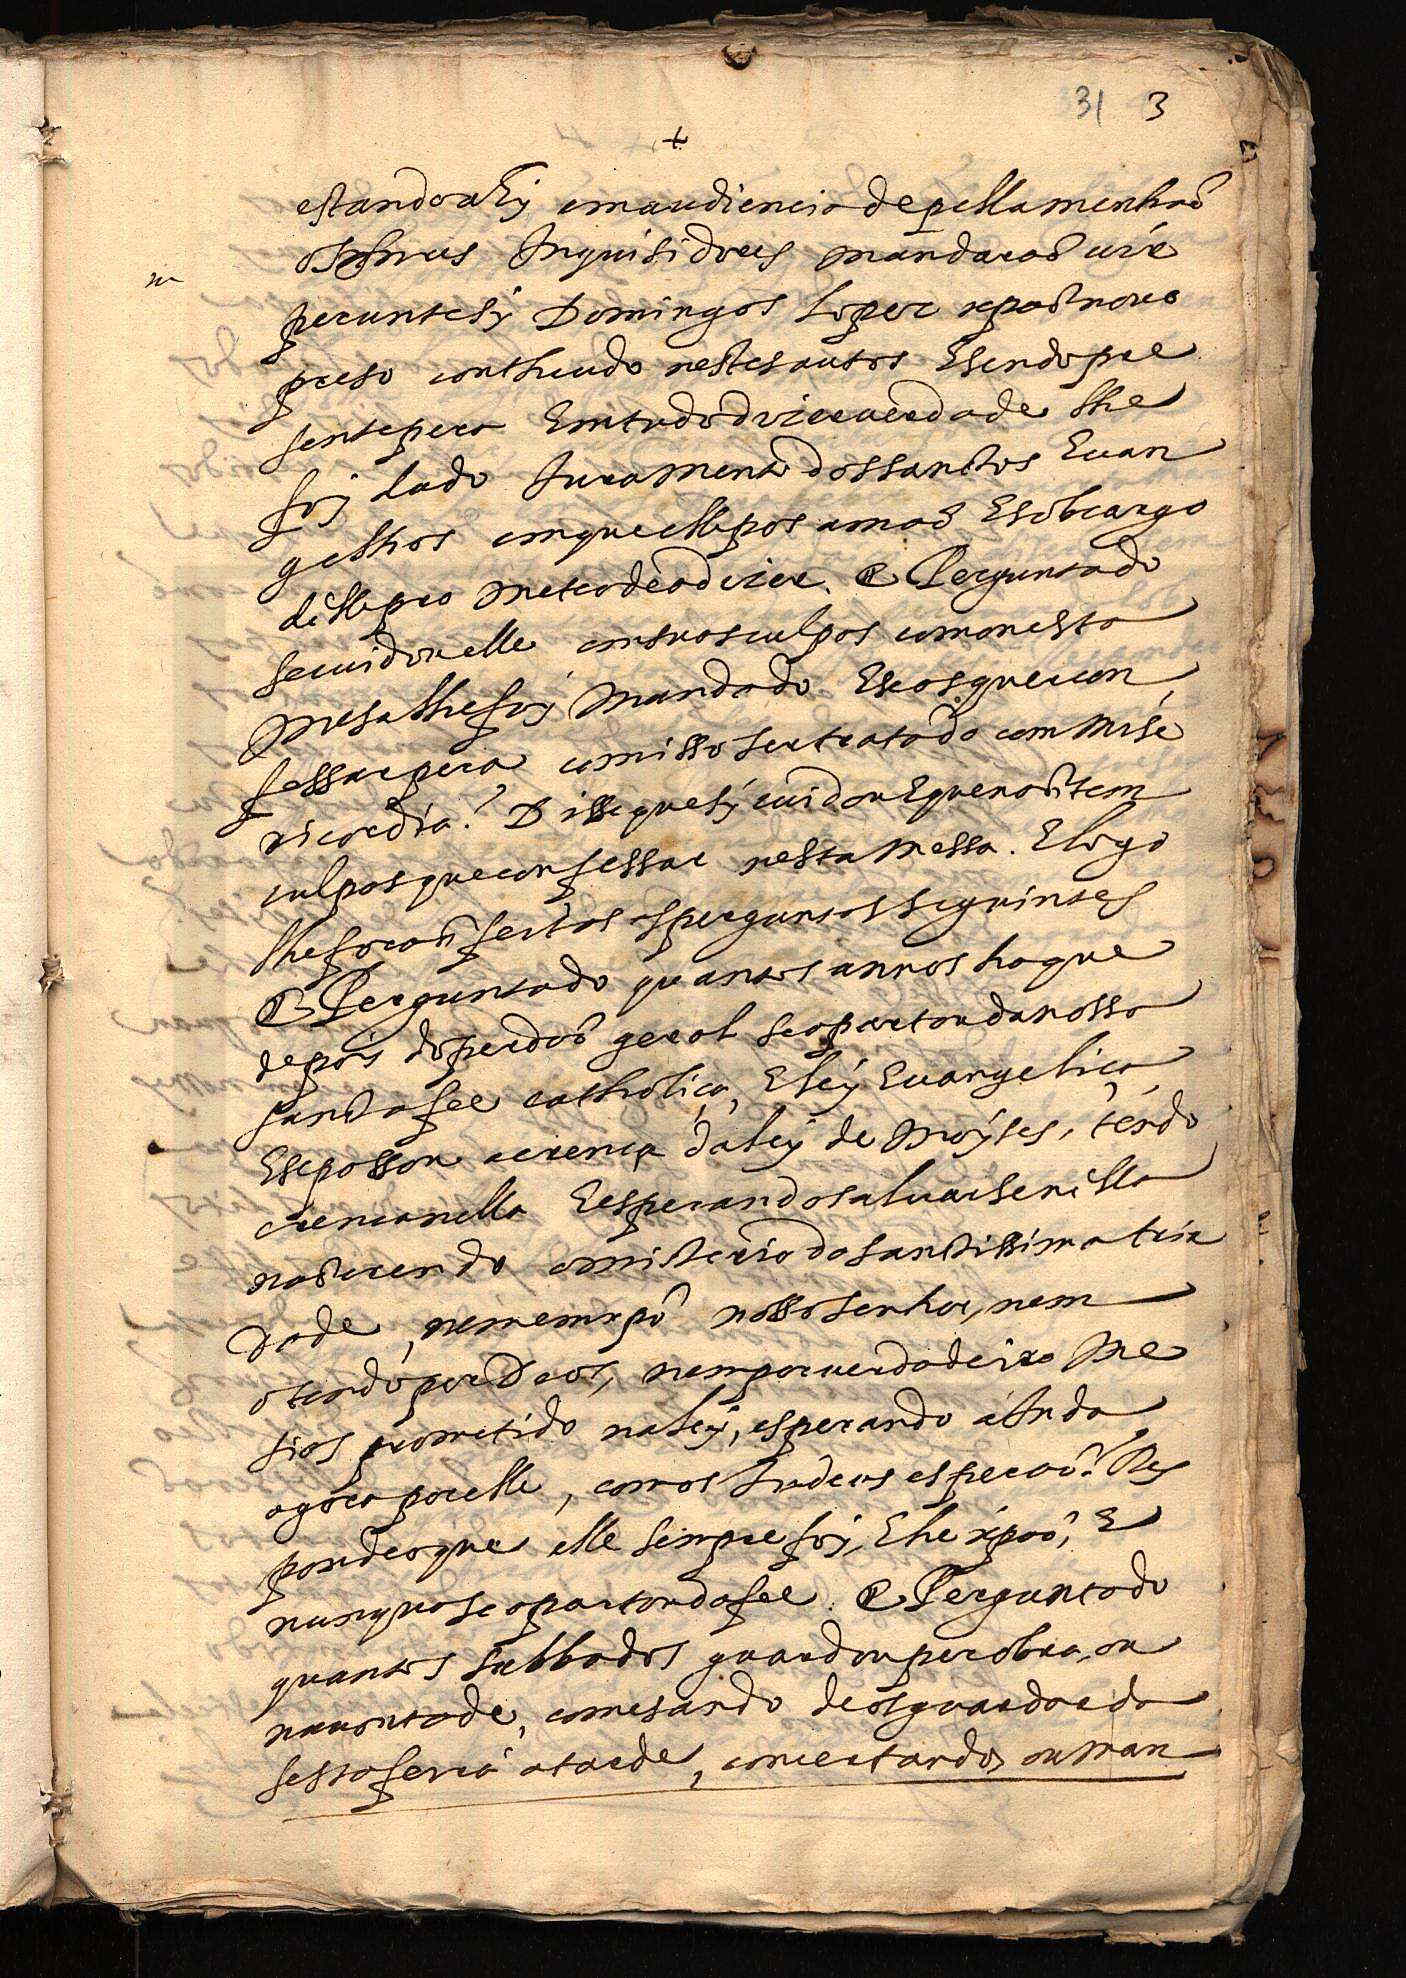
estando ahy em audiencia de pella menhaā
os Snres Inquisidores mandaraõ uir
perante sy Domingos Lopez xpaõ nouo
preso contheudo nestes autos E sendo pre
sente pera Em tudo dizer uerdade lhe
foj dado Juramento dos sanctos Euan
gelhos em que elle pos a maõ E sob cargo
delle prometeo de a dizer. ¶ Perguntado
se cuidou elle em suas culpas como nesta
mesa lhe foy mandado E se as quer con
fessar pera com isso ser tratado com mise
ricordia? Disse que sy cuidou E que naõ tem
culpas que confessar nesta messa. E logo
lhe foraõ feitas as perguntas seguintes
¶ Perguntado quantos annos ha que
depois do perdaõ geral se apartou da nossa
sancta fee catholica, E ley Euangelica
E se passou a crença da ley de Moyses, tendo
crenca nella E esperando saluarse nella
naõ crendo o misterio da sanctissima trin
dade, nem em xpō nosso senhor, nem
o tendo por Deos, nem por uerdadeiro Me
sias prometido na Ley, esperando aInda
agora por elle, com os Iudeos esperaõ? Res
podeo que elle sempre foy, E he xpaõ, E
nunqua se apartou da fee. ¶ Perguntado
quantos sabbados guardou per obra, ou
na uontade, comesando de os guardar da
sesta feira a tarde, concertandos ou man
